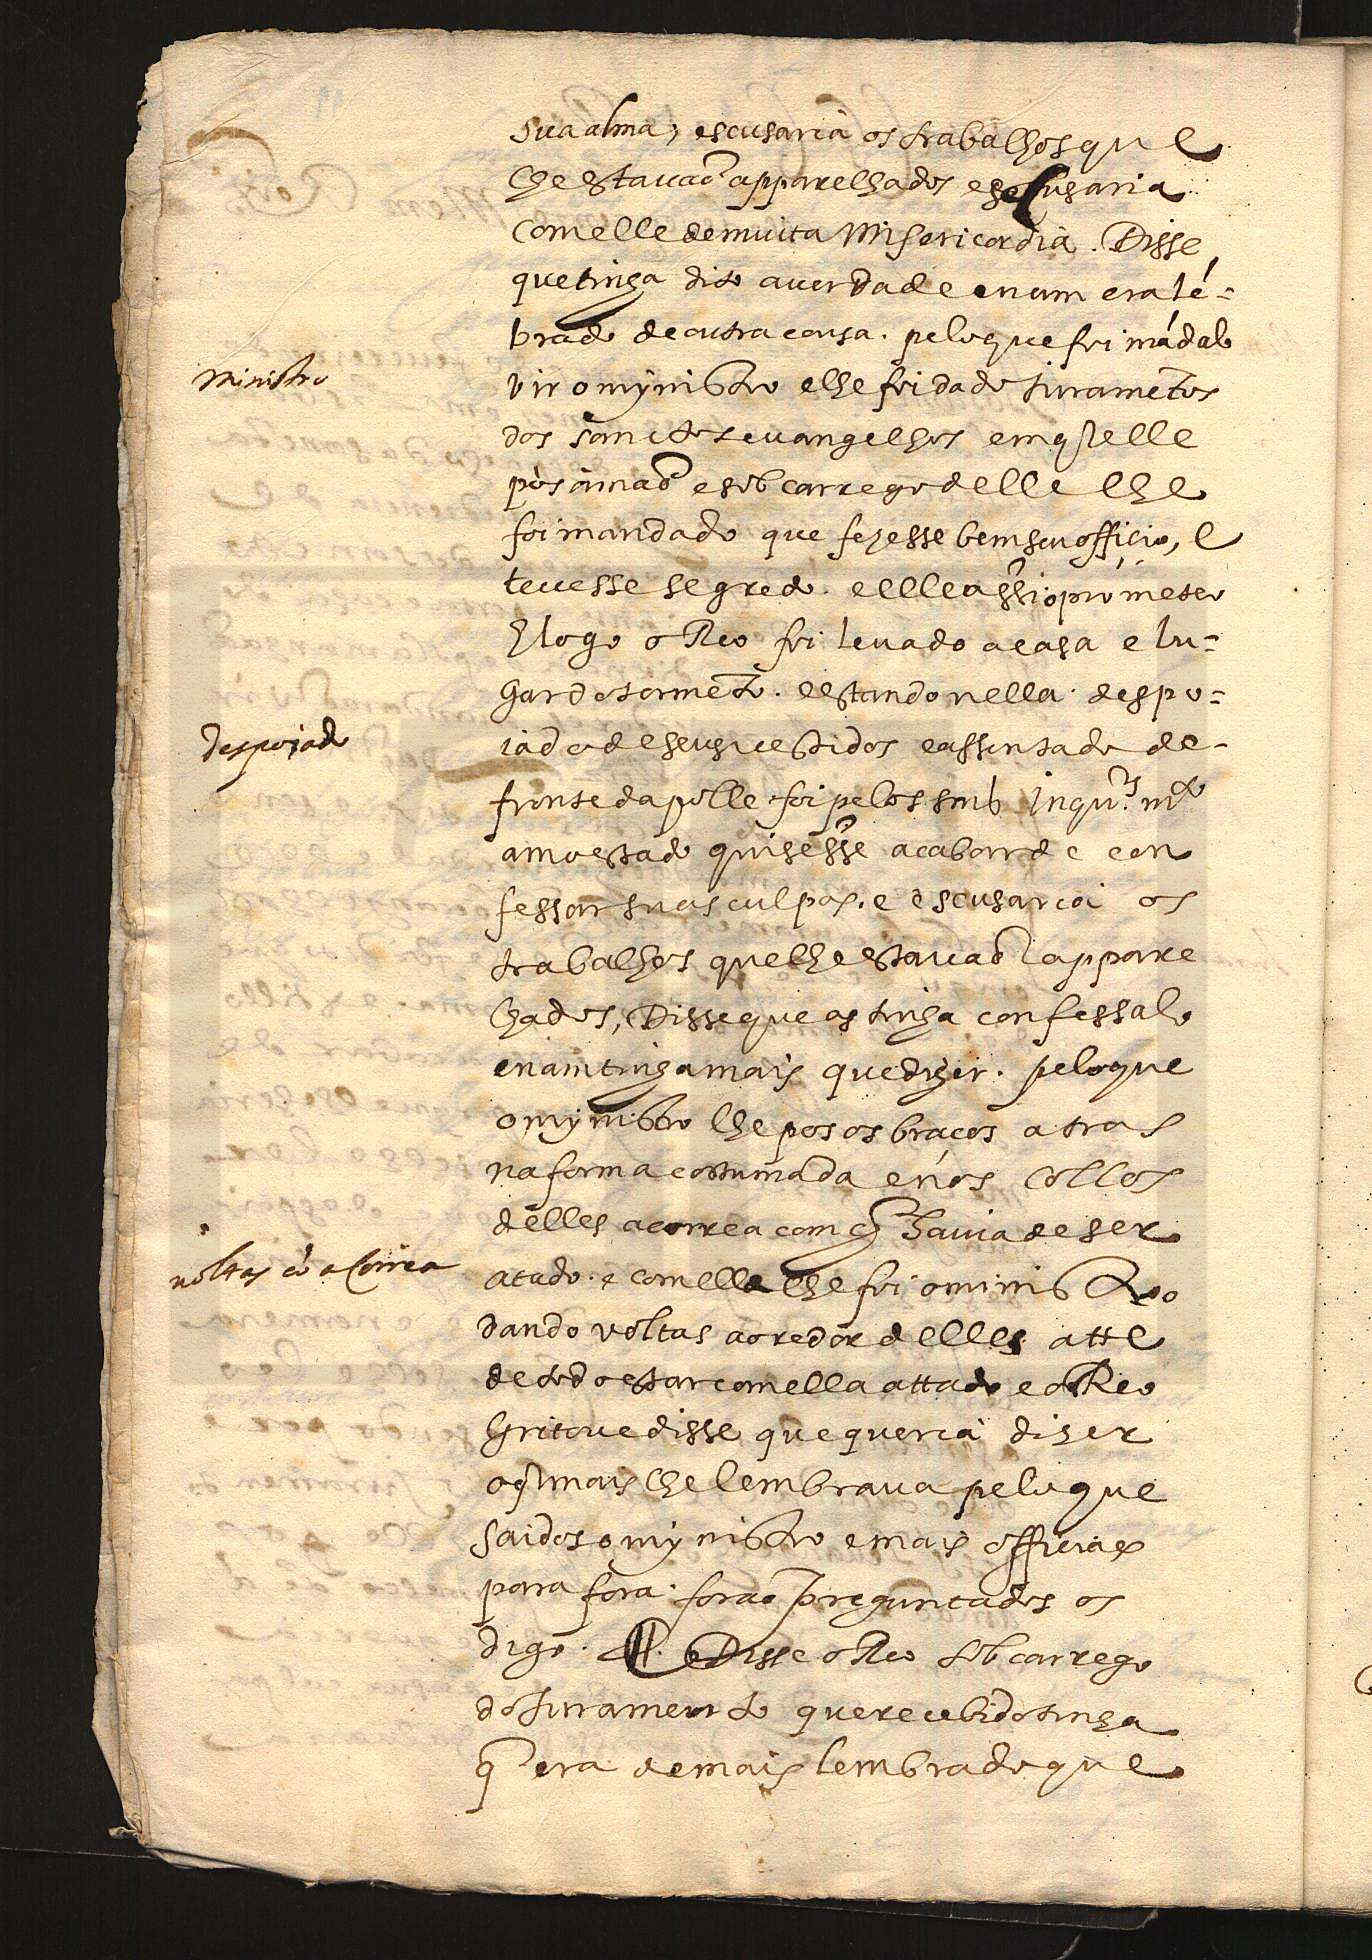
ministro
despojado
uoltas cō a Correa
sua alma, escusaria os trabalhos que
lhe estauão apparelhados e se_usaria
com elle de muita misericordia. Disse
que tinha dito a uerdade e nam era lē
brado de outra cousa. pelo que foi mādado
vir o mynistro e lhe foi dado iuramētos
dos sanctos euangelhos em q̄ elle
pōs a maõ e sob carrego delle lhe
foi mandado que fezesse bem seu officio, e
teuesse segredo e elle as̄si o prometeo
E Logo o Reo foi Leuado a casa e Lu
gar de tormēto. e estando nella despo
iado de seus uestidos e assentado de
frente da polle foi pelos sors̄ inqu.rs mto
amoestado quisesse acabar de con
fessar suas culpas e escusaria os
trabalhos que lhe estauaõ appare
lhados, Disse que as tinha confessado
e nam tinha mais que dizer. pelo que
o mynistro lhe pos os braços atras
na forma costumada e nos collos
delles a correa com q̄ hauia de ser
atado e com ella lhe foi o ministro
dando voltas ao redor delles atte
de todo estar com ella attado e o Reo
gritou e disse que queria dizer
o q̄ mais lhe lembraua pelo que
saidos o mynistro e mais officiaes
para fora foraō preguntados os
digo ⁋ Disse o Reo sob carrego
do Iuramento que recebido tinha
q̄ era de mais lembrado que
